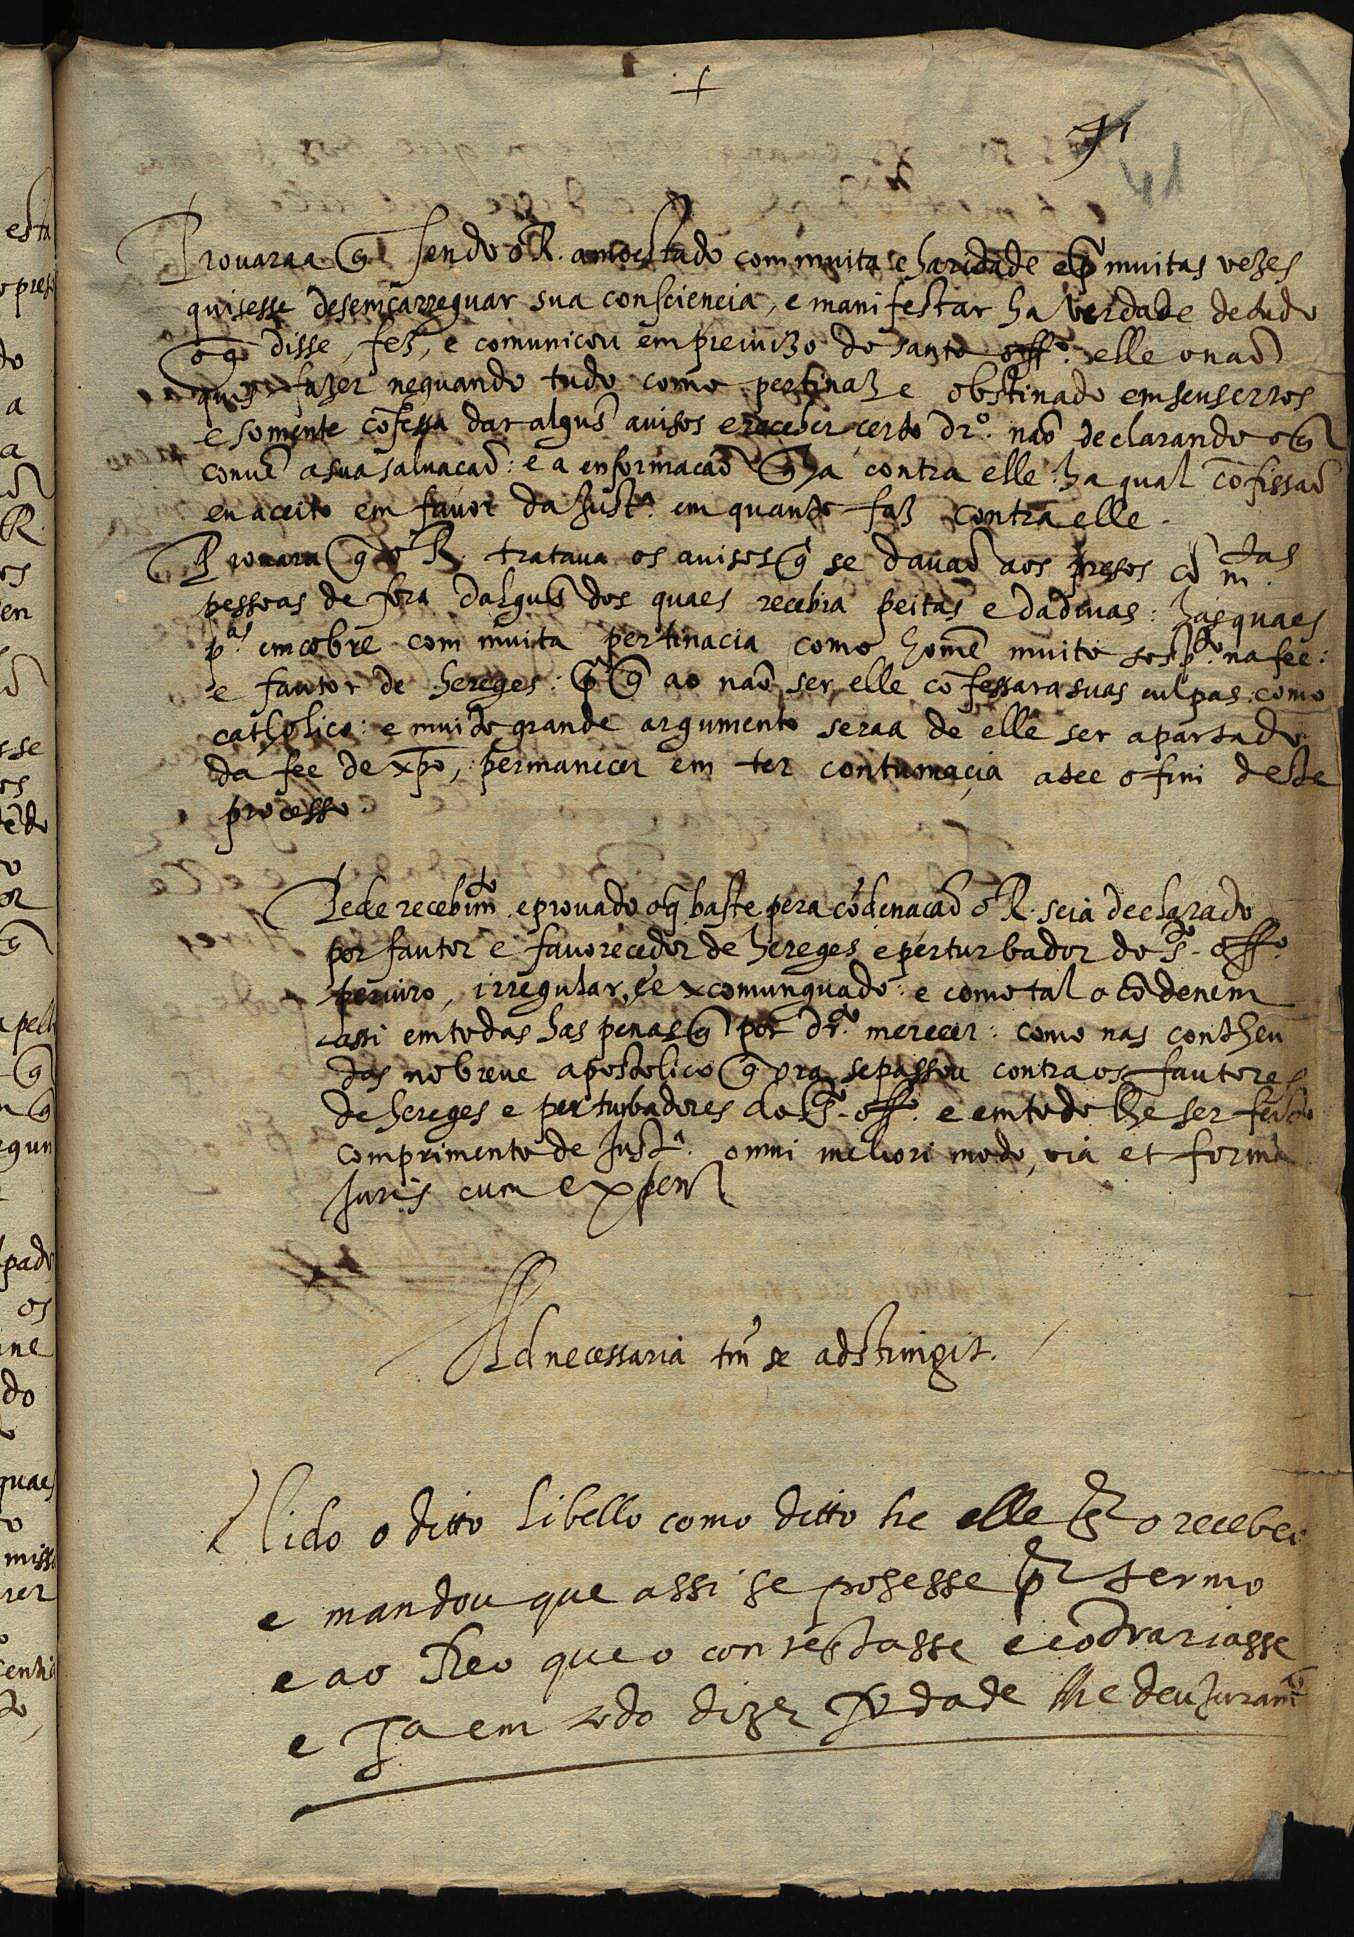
41
̄Prouaraa q̄ sendo o R. amoestado com muita charidade e p̄o muitas vezes
quisesse desemcarreguar sua consciencia, e manifestar ha verdade de tudo
o q̄ disse, fez, e comunicou em preiuizo do santo offo. elle o naõ
quis fazer neguando tudo como pertinaz e obstinado em seus erros
e somente cōfessa dar algus̄ auisos e receber certo dro. naõ declarando o q̄
conuē a sua saluaçaõ: e a enformaçaõ q̄ ha contra elle ha qual cōfissaõ
eu aceito em fauor da Justa. emquanto faz contra elle.
Prouara q̄ o R. trataua os auisos q̄ se dauaõ aos presos cō m.tas
pessoas de fora dalgus̄ dos quaes recebia peitas e dadiuas: has quaes
pas. emcobre com muita pertinacia como hom̄e muito sosp.to na fee
e fautor de hereges: p̄oq̄ ao naõ ser elle cōfessara suas culpas como
catholico: e muito grande argumento seraa de elle ser apartado
da fee de xp̅o, permanecer em ter contumacia atee o fim deste
processo.
Pede recebimto e prouado o q̄ baste pera cōdenação o R. seia declarado
por fautor e fauorecedor de hereges e perturbador do s.to offo.
peruizo, irregular, e excomunguado: e como tal o cōdenem
assi em todas has penas q̄ por dr.to merecer: como nas contheu
das no breue apostolico q̄ ora se passou contra os fautores
de hereges e pertubadores do sto. offo. e em todo lhe ser feito
comprimento de Justa. omni meliori modo, via et forma
Juris cum expen̄
Ad necessaria tm̄ se adstringit.
e lido o ditto Libello como ditto he elle sor o recebeo
e mandou que assi se posesse por termo
e ao Reo que o contestasse e cōtrariasse
e ꝑa em todo dizer ꝟdade lhe deu Juramto
